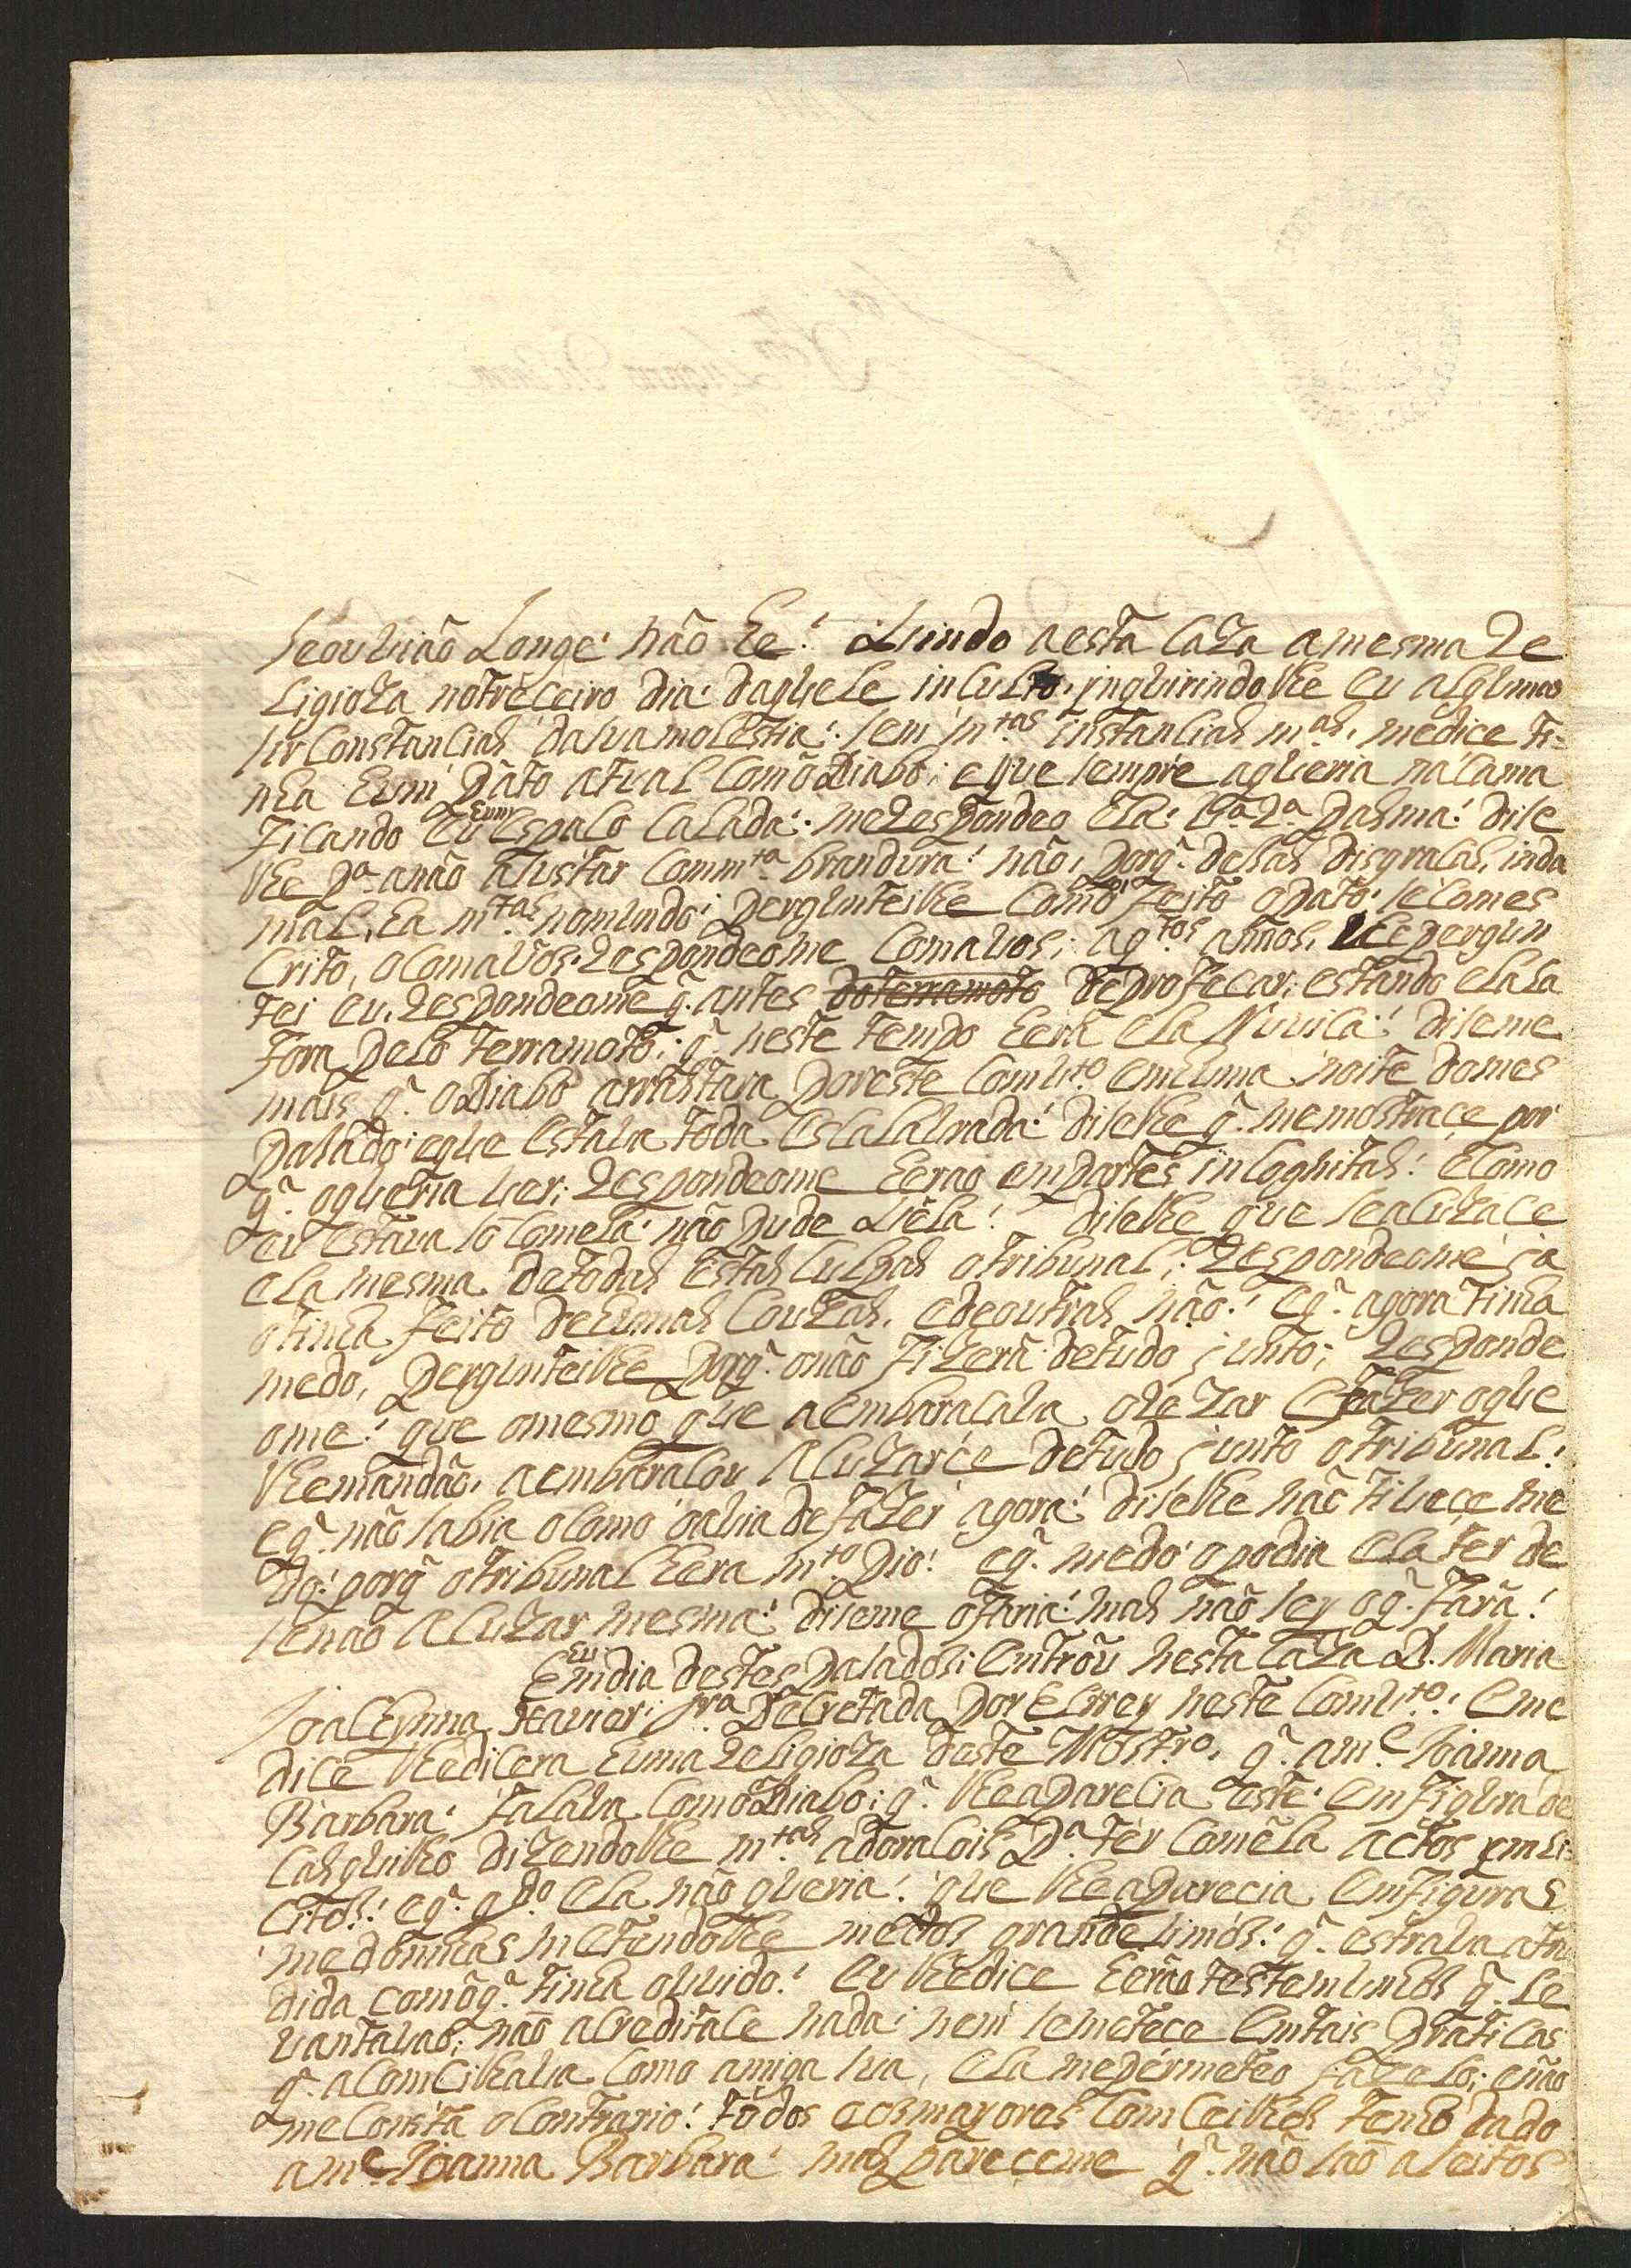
Se ouviaõ Longe naõ he: Vindo a esta caza a mesma re
Ligioza no treceiro dia daquele inÇuLto ynquirindolhe eu algumas
sirConstanCias da sua molestia: sem m.tas instanCias mas. me dice ti
nha um pato atual com o Diabo; e que sempre a queria na Cama
Ficando Eu hum EspaÇo Calada: me Respondeo ela. V.a 2.a Palma: dise
lhe p.a a não asustar com mt.a brandura: não, porq̄. dessas disgraças, inda
mal, ha m.tas no mundo; pergunteilhe como feito o pato se com es
Crito, o com a voz. Respondeome Com a vos; a q.tos annos. lhe pergun
tei eu. Respondeome q̄. antes __ de profeçar; estando ela la
Fora pelo terramoto; q̄ neste tempo hera ela NuuiÇa; diseme
mais q̄ o Diabo arrastara por este Comvt.o em huma noite do mes
pasado; e que estava toda EsCalavrada. diselhe q̄ me mostrace por
q̄ o queria uer: Respondeome heraõ em partes inCognitas: E Como
eu estaua só Com ela naõ pude vêLa; diselhe que se aCuzace
ela mesma de todas Estas Culpas o Tribunal, respondeome ja
o tinha feito de humas Couzas, e de outras naõ: E q̄. agora tinha
medo, Pergunteilhe porq̄ o não fizera de tudo junto; reponde
ome; que o mesmo que a embaraçava o rezar e fazer o que
lhe mandaõ a embaraÇou ACuzarce de tudo junto o tribunal;
e q̄ não sabia o como o avia de fazer agora; diselhe naõ tivece me
do porq̄ o tribunal hera mto pio: e q̄. medo o podia ela ter de
se naõ acuzar mesma: diseme o faria: mas naõ sey o q̄ fará!
Eu
Em hu dia destes pasado si entrou nesta caza D. Maria
JoaChynnaa Havier S.ra Decretada por El rrey neste Comvt.o: e me
dice lhe dicera huma religioza deste Most.ro, q̄ a m.e Ioanna
Barbara falava Com o Diabo: q̄ lhe aparecia este Em figura de
Casquilho dizendolhe m.tas adoraÇois P.a ter Com ēla actos emLi
Citos; e q̄ q.do ela naõ queria: que lhe aparecia em figuras
medonhas Metendolhe medos grandesimos: q̄ estrava ator
dida com o q.a tinha ouuido! Eu lhe dice herão testemunhos q̄ le
vantavaõ; naõ acreditace nada: nem se metece Em tais praticas
q̄ aComcilhava como amiga sua, ela me permeteo fazelo; e não
me Consta o Contrario: todos e os mayores ComCeilhos tenho dado
a m.e Ioanna Barbara. mas pareceme q̄ naõ saõ aseitos
